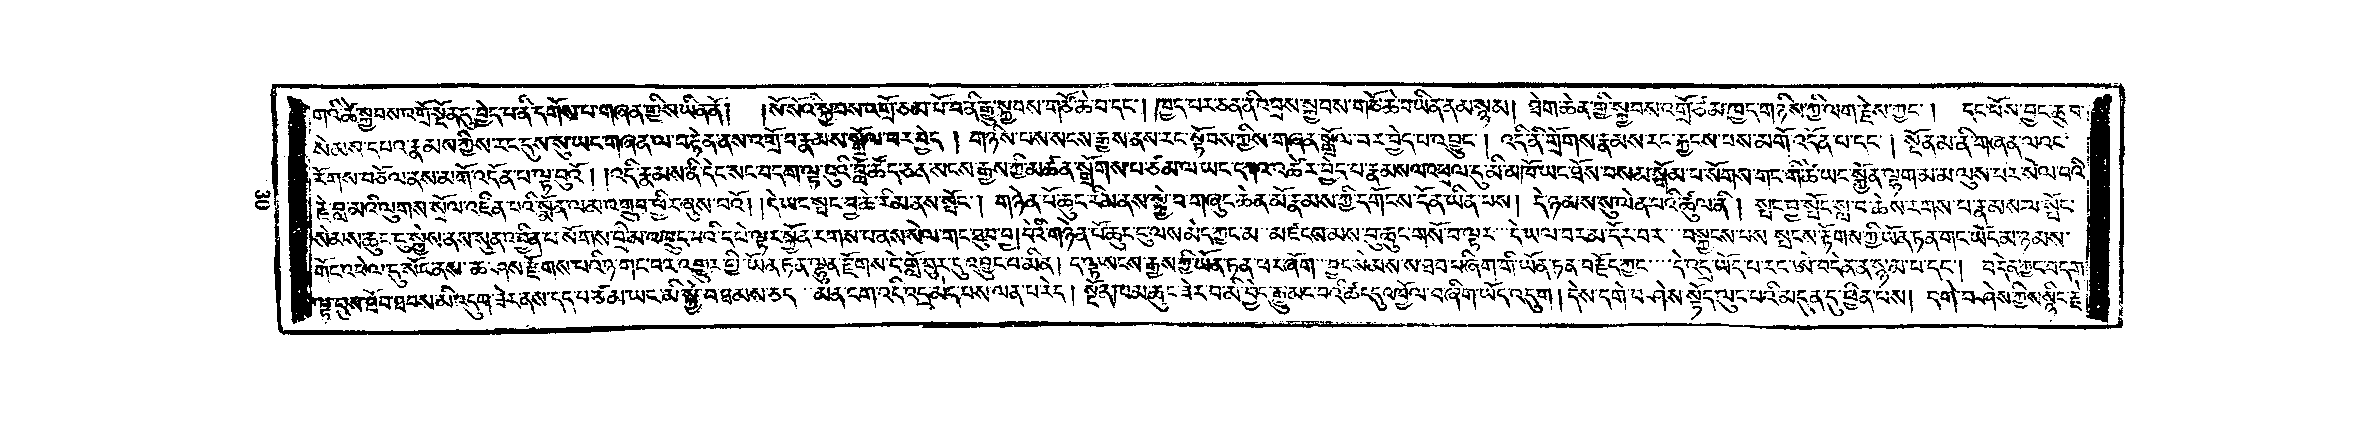གའི་ཚེ་སྐྱབས་འགྲོ་སྔོན་དུ་བྱེད་པ་ནི་དགོས་པ་གཞན་གྱིས་ཡིན་ནོ། །སོ་སོའི་སྐྱབས་འགྲོ་ཅམ་པོ་བ་ནི་རྒྱུ་སྐྱབས་གཙོ་ཆེ་བ་དང་། ཁྱད་པར་ཅན་ནི་འབྲས་སྐྱབས་གཙོ་ཆེ་བ་ཡིན་ནམ་སྙམ། ཐེག་ཆེན་གྱི་སྐྱབས་འགྲོ་ཙམ་ཁྱད་གཉིས་ཀྱི་ལག་རྗེས་ཀྱང་། དང་པོས་བྱང་ཆུབ་
སེམས་དཔའ་རྣམས་ཀྱིས་རང་དུས་སུ་ཡང་གཞན་ལ་བརྟེན་ནས་འགྲོ་བ་རྣམས་སྒྲོལ་བར་བྱེད། གཉིས་པས་སངས་རྒྱས་ནས་རང་སྟོབས་ཀྱིས་གཞན་སྒྲོལ་བར་བྱེད་པ་འབྱུང་། འདི་ནི་གྲོགས་རྣམས་རང་རྐྱངས་པས་མགོ་འདོན་པ་དང་། སྔོན་མ་ནི་གཞན་ལའང་
རོགས་བཅོལ་ནས་མགོ་འདོན་པ་ལྟ་བུའོ། །འདི་རྣམས་ནི་དེང་སང་བདག་ལྟ་བུའི་བློ་ཚོད་ཅན་སངས་རྒྱས་ཀྱི་མཚན་སྒྲོགས་པ་ཙམ་ལ་ཡང་དཀའ་འཚེར་བྱེད་པ་རྣམས་ལ་འཕྲལ་དུ་མི་མཁོ་ཡང་ཐོས་བསམ་སྒོམ་པ་སོགས་གང་གི་ཚེ་ཡང་སྐྱོན་ལྷག་མ་མ་ལུས་པར་སེལ་བའི་
རྗེ་བླ་མའི་ལུགས་སྲོལ་འཛིན་པའི་སྨོན་ལམ་འགྲུབ་ཕྱིར་ཞུས་པའོ། །དེ་ཡང་སྤང་བྱ་ཆེ་རིམ་ནས་སྤོང་། གཉེན་པོ་ཆུང་རིམ་ནས་སྐྱེ་བ་གཞུང་ཆེན་མོ་རྣམས་ཀྱི་དགོངས་དོན་ཡིན་པས། དེ་ཉམས་སུ་ལེན་པའི་ཚུལ་ནི། སྤང་བྱ་སྤོང་སླ་བ་ཆེས་རགས་པ་རྣམས་ལ་སྤོང་
སེམས་ཆུང་ངུ་སྐྱེས་ནས་སུན་འབྱིན་པ་སོགས་བྲི་མ་འཁྲུང་པའི་དཔེ་ལྟར་སྐྱོན་རགས་པ་ནས་སེལ་གང་ཐུབ་བྱ། དེའི་གཉེན་པོ་ཆུང་ངུ་ལས་མེད་ཀྱང་མ་མཛངས་མས་བུ་ཆུང་གསོ་བ་ལྟར་དེ་ཡལ་བར་མ་དོར་བར་བསྐྱངས་པས་སྤངས་རྟོགས་ཀྱི་ཡོན་ཏན་གང་ཡོད་མ་ཉམས་
གོང་འཕེལ་དུ་སོང་ནས་ཆ་ཤས་རྫོགས་པའི་ཉ་གང་བར་འགྱུར་གྱི་ཡོན་ཏན་ལྷུན་རྫོགས་དེ་གློ་བུར་དུ་འབྱུང་བ་མིན། ད་ལྟ་སངས་རྒྱས་ཀྱི་ཡོན་ཏན་ཕར་ཞོག་བྱང་སེམས་ས་ཐབ་པ་ཞིག་གི་ཡོན་ཏན་བརྗོད་ཀྱང་དེ་འདྲ་ཡོད་པ་རང་ཨེ་བདེན་ན་སྙམ་པ་དང་། བདེན་ཀྱང་བདག་
ལྟ་བུས་ཐོབ་ཐབས་མི་འདུག་ཟེར་ནས་དད་པ་ཙམ་ཡང་མི་སྐྱེ་བ་ཐམས་ཅད་མན་ངག་འདི་འདྲ་མེད་པས་ལན་པ་རེད། སྔོན་ཁམ་ཆུང་ཟེར་བ་མི་བྱེད་རྒྱུ་མང་བའི་ཚད་དུ་འཁྱོལ་བ་ཞིག་ཡོད་འདུག །དེས་དགེ་བཤེས་སྟོད་ལུང་པའི་མདུན་དུ་ཕྱིན་པས། དགེ་བཤེས་ཀྱིས་སྙིང་རཇ་